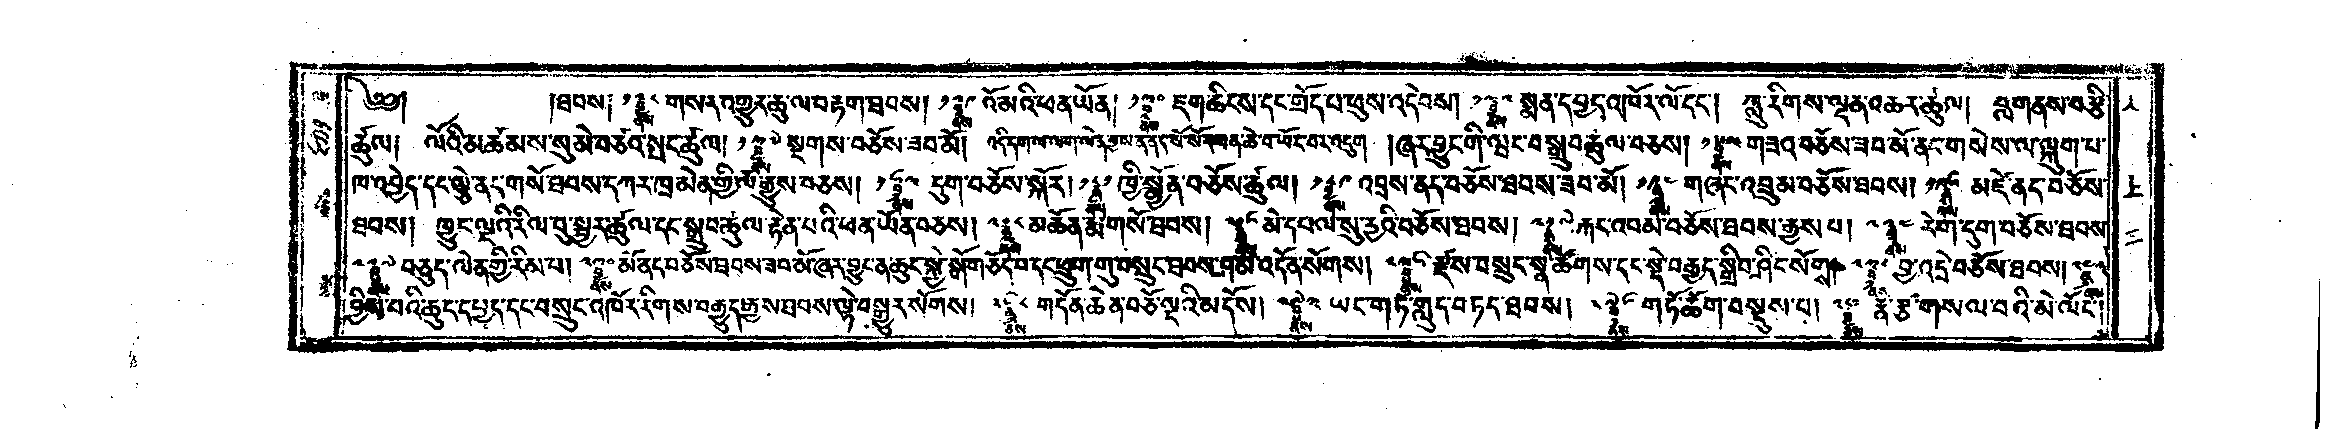༄༅། །ཐབས། ༡༢༨བ༤ནས་གསར་འགྱུར་ཆུ་ལ་བརྟག་ཐབས། ༡༢༩བ༢ནས་འོ་མའི་ཕན་ཡོན། ༡༣༠བ༢ནས་ཇག་ཆིངས་དང་གྲོད་པ་ཕུས་འདེབས། ༡༣༢བ༤ནས་སྨན་དཔྱད་འཁོར་ལོ་དང་། ཀླུ་རིགས་ལྡན་འཆར་ཚུལ། བླ་གནས་བརྩི་
ཚུལ༑ ལོའི་མཚམས་སུ་མེ་བཙའ་སྤང་ཚུལ། ༡༣༧བ༦ནས་སྔགས་བཅོས་ཟབ་མོ། འདི་དག་ལ་ལག་ལེན་བྱས་ན་ནད་སོ་སོར་ཕན་ཆེ་བ་ཡོང་བར་འདུག་།ཞར་བྱུང་གི་ཝང་བསྒྲུབ་ཚུལ་བཅས། ༡༥༣བ༤ནས་གཟའ་བཅོས་ཟབ་མོ་ནང་གསེས་ལ་ལྐུག་པ་
ཁ་འབྱེད་དང་ལྕེ་ནང་གསོ་ཐབས་དཀར་ཁྲ་མེན་གྱི་ལོ་རྒྱུས་བཅས། ༡༦༣བ༡ནས་དུག་བཅོས་སྐོར། ༡༨༡ན༤ནས་ཁྱི་སྨྱོན་བཅོས་ཚུལ། ༡༨༩བ༤ནས་འབྲས་ནང་བཅོས་ཐབས་ཟབ་མོ། ༡༩༤ན༧?ནས་གཞང་འབྲུམ་བཅོས་ཐབས། ༡༩༦ན༢ནས་མཛེ་ནང?་བཅོས་
ཐབས༑ ཁྱུང་ལྔའི་རིལ་བུ་སྦྱར་ཚུལ་དང་སྒྲུབ་ཚུལ་རྟེན་པའི་ཕན་ཡོན་བཅས། ༢༠༨ན༣ནས་མཆོན་རྨ?་གསོ་ཐབས། ༢༡༦ན༥?ནས་མེ་དཔལ་སུ་རྱའི་བཅོས་ཐབས། ༢༡༧ན༢?ནས་རྐང་འབམ་བཅོས་ཐབས་རྒྱས་པ། ༢༢༤བ༢ནས་རེག་དུག་བཅོས་ཐབས་
༢༢༧བ༥ནས་བཅུད་ལེན་གྱི་རིམ་པ། ༢༣༠བ༤ནས་མོ་ནད?་བཅོས་ཐབས་ཟབ་མོ་ཞར་བྱུང་ན་ཆུང་སྐྱེ་སྒོ་གཅོད་པ་དང་ཕྲུག་གུ་བསྲུང་ཐབས་ཤ་མ་འདོན་སོགས། ༢༣༦བ༣?ནས་རྫས་བསྲུང་སྣ་ཚོགས་དང་སྡེ་བརྒྱད་སྒྲིབ་ཤིང་སོགས། ༢༣༨བ༡ནས་བྱ་འདྲེ་བཅོས་ཐབས ༢༤༣ན༡ནས?
བྱིས་པའི་ཆུང་དཔྱད་དང་བསྲུང་འཁོར་རིགས་བརྒྱུད་རྒྱས་ཐབས་ལྟེ་བསྒྱུར་སོགས། ༢༦༨ན༡ནས་གདོན་ཆེན་བཅོ་ལྔའི་མདོས། ༢༧༣བ༥ནས་ཡང་གཏོ་གླུད་བཏང་ཐབས། ༢༧༦བ༡?ནས་གཏོ་ཆོག་བསྡུས་པ། ༢༨༡བ༤ནས་རྣ་རྩ་གསལ་བའི་མེ་ལོང་།